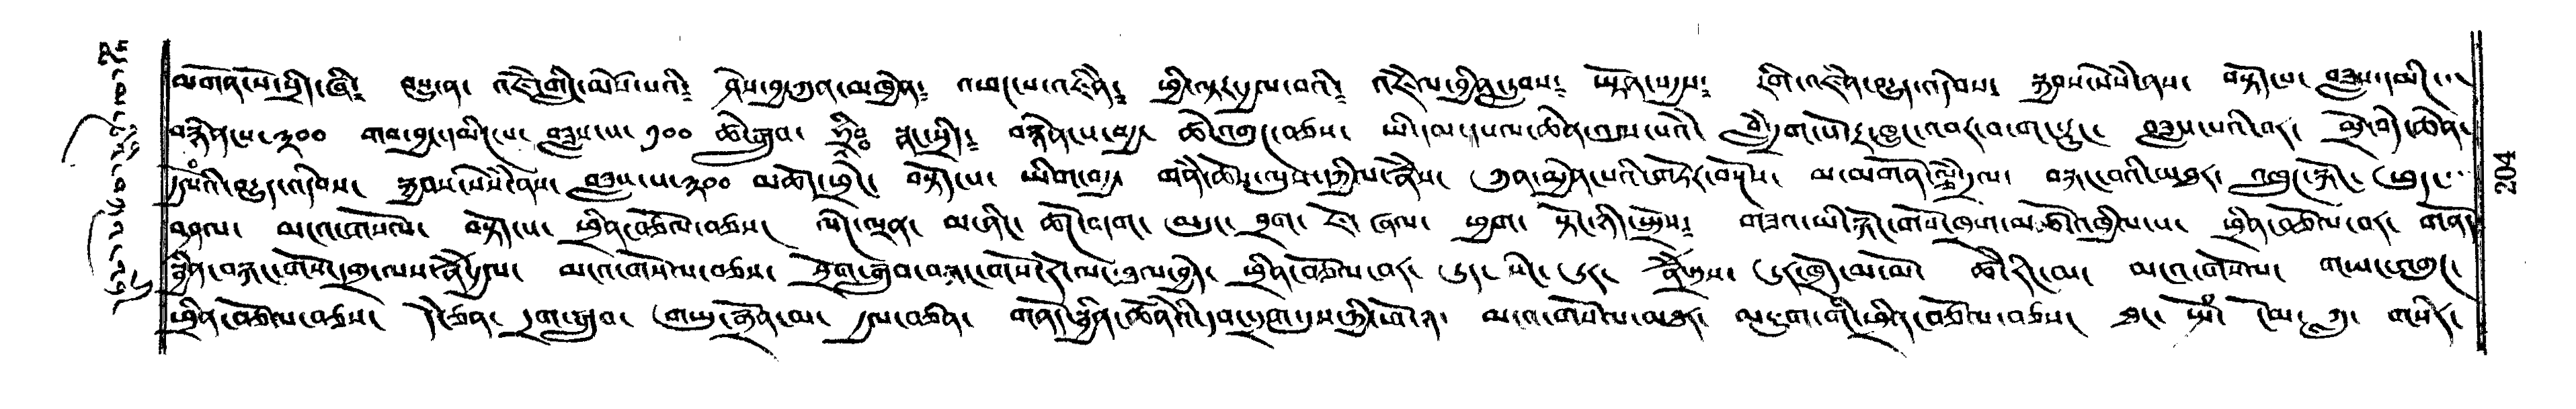མགོན་པོ་སྲིད་ཞི༴ བསྡུ་ན། འཛམ་གླིང་མཛེས་པའི༴ ཤེས་བྱ་ཀུན་མཁྱེན༴ འཕགས་པ་འཇིག་རྟེན༴ ཕྱི་ལྟར་རྒྱལ་བའི༴ འཇམ་དཔལ་བྱིན་རླབས༴ ཡོན་ཏན་སངས་རྒྱས༴ རིག་འཛིན་བརྒྱུད་འདེབས། སྐྱབས་སེམས་ནས། བསྟོད་པ། བཟླས་དམིགས། 
བསྙེན་པ་གསུམ་བརྒྱ། གབ་བྱང་དམིགས་པ། བཟླས་པ་བརྒྱ། ཚེ་སྒྲུབ། ཧྲཱི༔ སྣང་སྲིད༴ སྙེན་པ་བརྒྱ། ཚེ་འགུགས་བཅས། ཡི་དམ་དཔལ་ཆེན་འདུས་པའམ། བླ་མ་དྲག་པོ་རྟ་ཁྱུང་འབར་བ་གང་རུང་། བཟླས་པའི་བར། མཁའ་འགྲོ་བདེ་ཆེན་
རྒྱལ་མོའི་རྒྱུད་འདེབས། སྐྱབས་སེམས་ནས། བཟླས་པ་གསུམ་བརྒྱ། མཆོད་ཕྲིང་། བསྟོད་པ། ཡིག་བརྒྱ། གནམ་ཆོས་ལུས་དཀྱིལ་རྣམས། ཀུན་མཁྱེན་པའི་གཏོར་སྔོ། མ་མགོན་ལྕམ་དྲལ། བསྐང་བའི་མཐར་འཁྲུགས་སྐོང་། ཕུད་
བཤལ། མངའ་གསོལ། བསྟོད་པ། ཕྲིན་བཅོལ་བཅས། ལེགས་ལྡན། མ་ནིང་། ཚོགས་བདག མདུང་། བྲག ཇོ། ཞལ། ཕྱག སྟོང་ཉིད་སྤྲོས༴ གཟའ་ཡི་བསྐང་གསོ་ཁྲག་མཚོ་འཁྱིལ་པ། ཕྲིན་བཅོལ་བར། གནོད་
སྦྱིན་བསྐང་གསོ་དགྲ་ལས་རྣམ་རྒྱལ། མངའ་གསོལ་བཅས། སྲོག་སྒྲུབ་བསྐང་གསོ་རོ་ལངས་ཐལ་བྱེད། ཕྲིན་བཅོལ་བར། དུད་གདོན། སེང་གདོན། དུར་བདག་རྣམ་སྲས། དུར་ཁྲོད་མ་མོ། ཚེ་རིང་མ། མངའ་གསོལ། གཡང་འགུགས་
ཕྲིན་བཅོལ་བཅས། དམ་ཅན། དྲག་སྒྲུབ། གཡུ་སྒྲོན་མ། རྒྱལ་བཙན། གནོད་སྦྱིན་ཆེན་པོའི་དབང་དྲག་དུས་ཀྱི་ཕོ་ཉ་མངའ་གསོལ་མཐར། མཇུག་གི་ཕྲིན་བཅོལ་བཅས། ཐང་ལྷ། སྤོམ་ར། ངོམ། ཀླུ། གསེར་